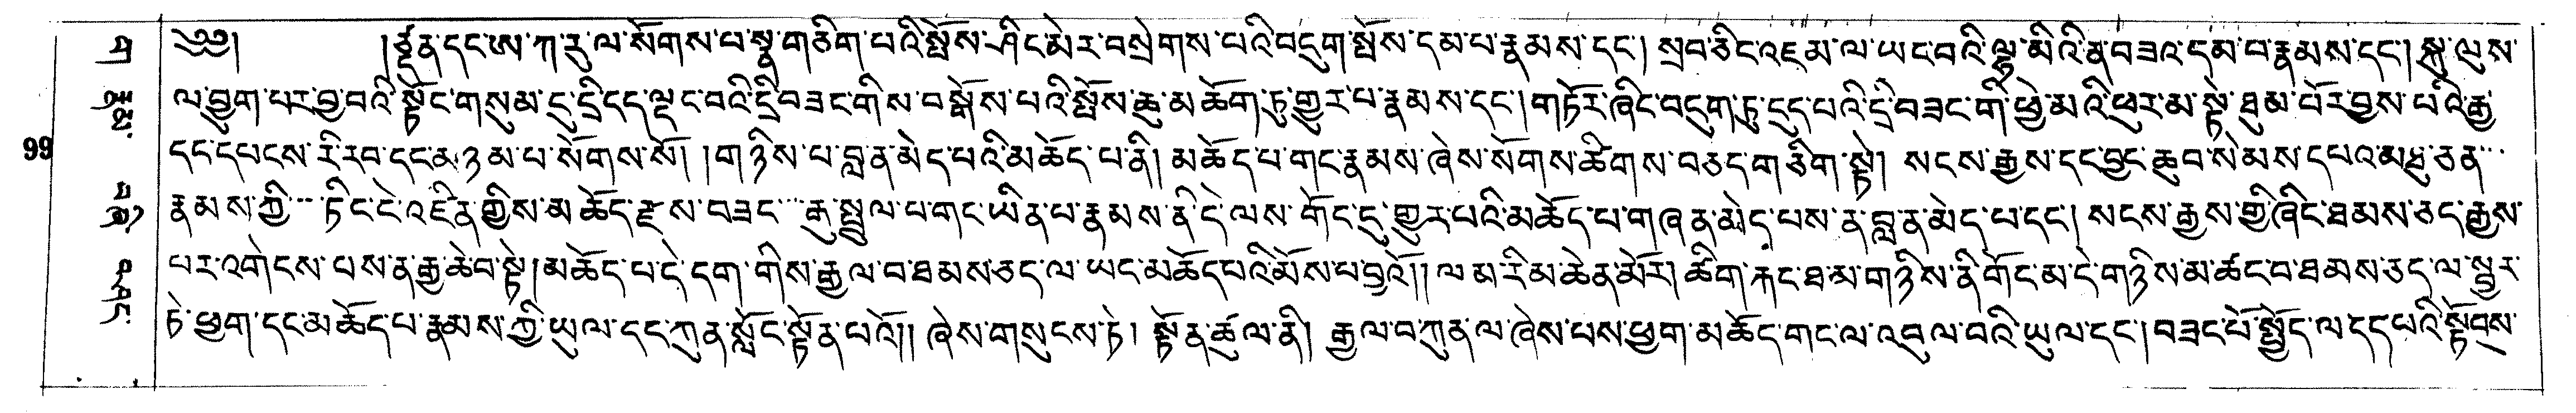༄༅། །ཙནྡན་?་དང་ཨ་ཀ་རུ་ལ་སོགས་པ་སྣ་གཅིག་པའི་སྤོས་ཤིང་མེར་བསྲེགས་པའི་བདུག་སྤོས་དམ་པ་རྣམས་དང་། སྲབ་ཅིང་འཇམ་ལ་ཡང་བའི་ལྷ་མིའི་ན་བཟའ་དམ་པ་རྣམས་དང་། སྐུ་ལུས་
ལ་བྱུག་པར་བྱ་བའི་སྟོང་གསུམ་དུ་དྲི་ངད་ལྡང་བའི་དྲི་བཟང་གིས་བསྒོས་པའི་སྤོས་ཆུ་མཆོག་ཏུ་གྱུར་པ་རྣམས་དང་། གཏོར་ཞིང་བདུག་ཏུ་དུད་པའི་དྲི་བཟང་གི་ཕྱེ་མའི་ཕུར་མ་སྟེ་ཐུམ་པོར་བྱས་པའི་རྒྱ་
དང་དཔངས་རི་རབ་དང་མཉམ་པ་སོགས་སོ། །གཉིས་པ་བླ་ན་མེད་པའི་མཆོད་པ་ནི། མཆོད་པ་གང་རྣམས་ཞེས་སོགས་ཚིགས་བཅད་གཅིག་སྟེ། སངས་རྒྱས་དང་བྱང་ཆུབ་སེམས་དཔའ་མཐུ་ཅན་
རྣམས་ཀྱི་ཏིང་ངེ་འཛིན་གྱིས་མཆོད་རྫས་བཟང་རྒུ་སྤྲུལ་པ་གང་ཡིན་པ་རྣམས་ནི་དེ་ལས་གོང་དུ་གྱུར་པའི་མཆོད་པ་གཞན་མེད་པས་ན་བླ་ན་མེད་པ་དང་། སངས་རྒྱས་ཀྱི་ཞིང་ཐམས་ཅད་རྒྱས་
པར་འགེངས་པས་ན་རྒྱ་ཆེ་བ་སྟེ། མཆོད་པ་དེ་དག་གིས་རྒྱལ་བ་ཐམས་ཅད་ལ་ཡང་མཆོད་པའི་མོས་པ་བྱའོ། །ལམ་རིམ་ཆེན་མོར། ཚིག་རྐང་ཐ་མ་གཉིས་ནི་གོང་མ་དེ་གཉིས་མ་ཚང་བ་ཐམས་ཅད་ལ་སྦྱར་
ཏེ་ཕྱག་དང་མཆོད་པ་རྣམས་ཀྱི་ཡུལ་དང་ཀུན་སློང་སྟོན་པའོ། །ཞེས་གསུངས་ཏེ། སྟོན་ཚུལ་ནི། རྒྱལ་བ་ཀུན་ལ་ཞེས་པས་ཕྱག་མཆོད་གང་ལ་འབུལ་བའི་ཡུལ་དང་། བཟང་པོ་སྤྱོད་ལ་དད་པའི་སྟོབས་